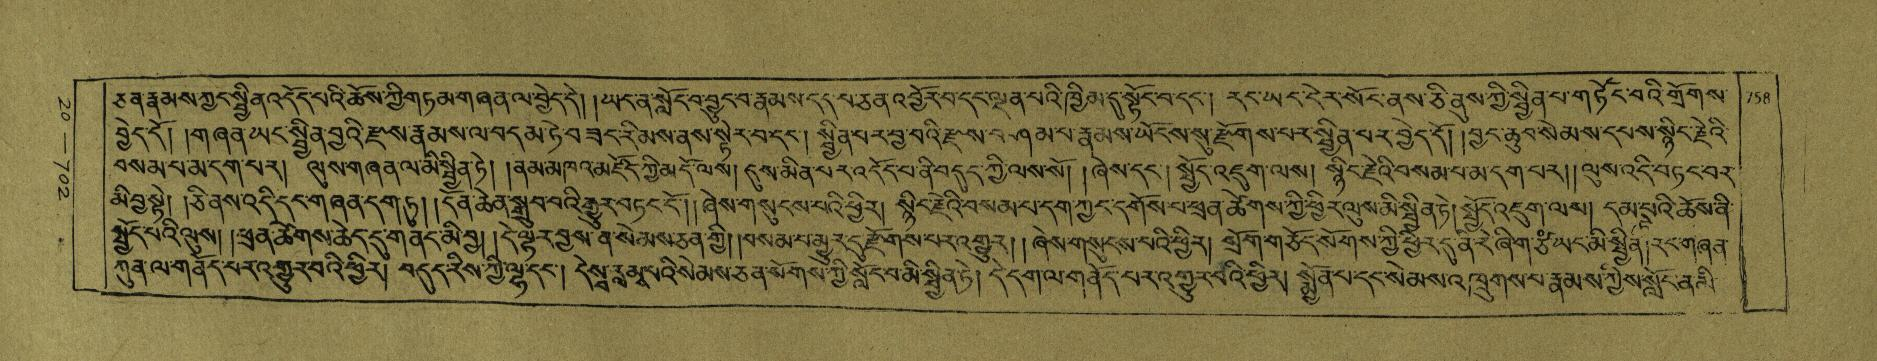ཅན་རྣམས་ཀྱང་སྦྱིན་འདོད་པའི་ཆོས་ཀྱི་གཏམ་གཞན་ལ་བྱེད་དེ། །ཡང་ན་སློང་བ་བྱུང་བ་རྣམས་དད་པ་ཅན་འབྱོར་བ་དང་ལྡན་པའི་ཁྱིམ་དུ་སྟོང་བ་དང་། རང་ཡང་ངེར་སོང་ནས་ཅི་ནུས་ཀྱི་སྦྱིན་པ་གཏོང་བའི་གྲོགས་
བྱེད་དོ། །གཞན་ཡང་སྦྱིན་བྱའི་རྫས་རྣམས་ལ་བདམ་ཏེ་བཟང་རིམས་ནས་སྟེར་བ་དང་། སྦྱིན་པར་བྱ་བའི་རྫས་བཤམ་པ་རྣམས་ཡོངས་སུ་རྫོགས་པར་སྦྱིན་པར་བྱེད་དོ། །བྱང་ཆུབ་སེམས་དཔས་སྙིང་རྗེའི་
བསམ་པ་མ་དག་པར། ལུས་གཞན་ལ་མི་སྦྱིན་ཏེ། །ནམ་མཁའ་མཛོད་ཀྱི་མདོ་ལས། དུས་མིན་པར་འདོད་པ་ནི་བདུད་ཀྱི་ལས་སོ། །ཞེས་དང་། སྤྱོད་འཇུག་ལས། སྙིང་རྗེའི་བསམ་པ་མ་དག་པར། །ལུས་འདི་བཏང་བར་
མི་བྱ་སྟེ། །ཅི་ནས་འདི་དང་གཞན་དག་ཏུ། །དོན་ཆེན་སྒྲུབ་བའི་རྒྱུར་བཏང་ངོ། །ཞེས་གསུངས་པའི་ཕྱིར། སྙིང་རྗེའི་བསམ་པ་དག་ཀྱང་དགོས་པ་ཕྲན་ཚེགས་ཀྱི་ཕྱིར་ལུས་མི་སྦྱིན་ཏེ། སྤྱོད་འཇུག་ལས། དམ་ཏེ་པའི་ཆོས་ནི་
སྤྱོད་པའི་ལུས། །ཕྲན་ཚེགས་ཆེད་དུ་གནང་མི་བྱ། །དེ་ལྟར་བྱས་ན་སེམས་ཅན་གྱི། །བསམ་པ་མྱུར་དུ་རྫོགས་པར་འགྱུར། །ཞེས་གསུངས་པའི་ཕྱིར། སྲོག་གཅོད་སོགས་ཀྱི་ཕྱིར་དུ་ནི་རེ་ཞིག་ཙཾ་ཡང་མི་སྦྱིན། རང་གཞན་
ཀུན་ལ་གནོད་པར་འགྱུར་བའི་ཕྱིར། བདུད་རིས་ཀྱི་ལྷ་དང་། དེབས་བས་རླམས་པའི་སེམས་ཅན་སོགས་ཀྱི་སློང་བ་མི་སྦྱིན་ཏེ། དེ་དག་ལ་གནོད་པར་འགྱུར་བའི་ཕྱིར། སྨྱོན་པ་དང་སེམས་འཁྲུགས་པ་རྣམས་ཀྱིས་སློང་ན་མི་